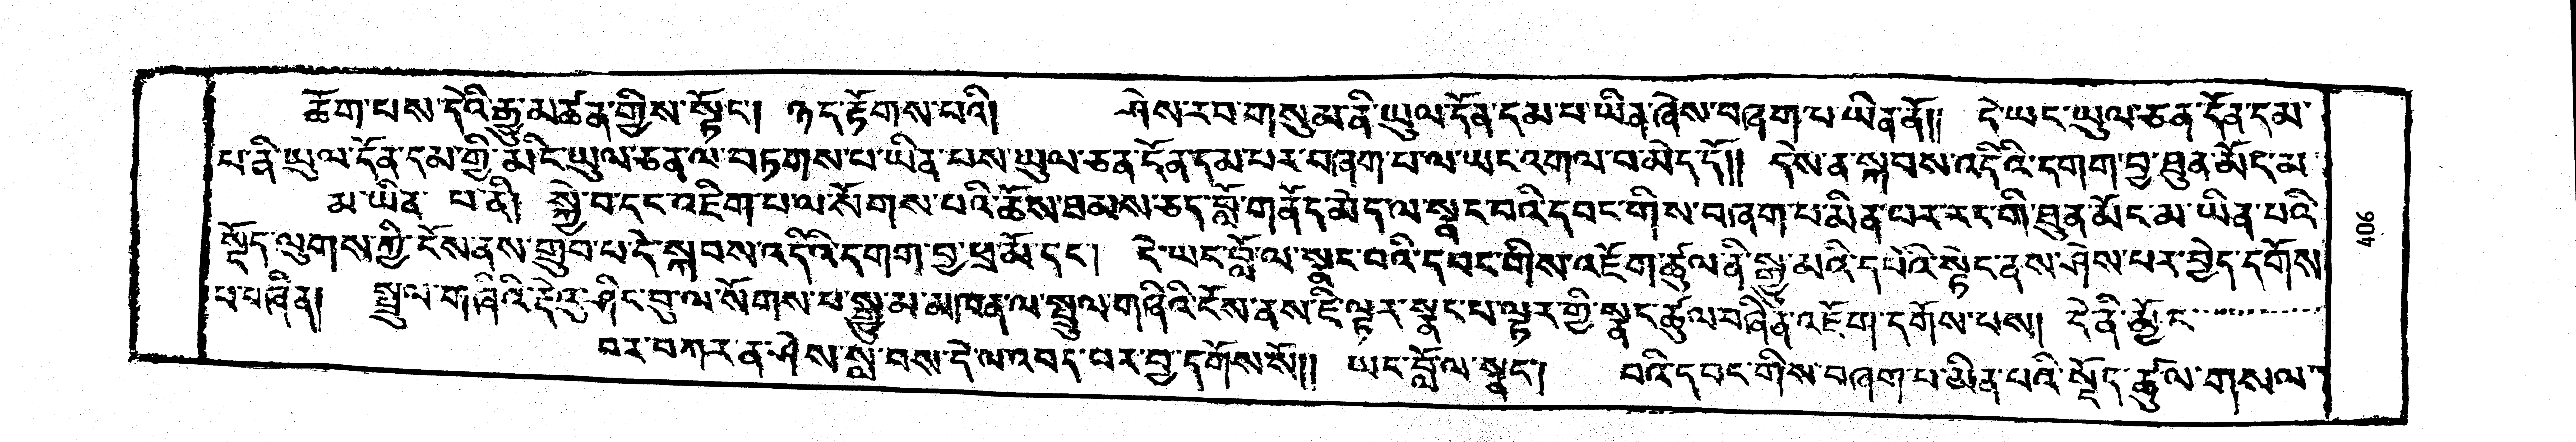ཆོག་པས་དེའི་རྒྱུ་མཚན་གྱིས་སྟོང་། ཉིད་རྟོགས་པའི། ཤེས་རབ་གསུམ་ནི་ཡུལ་དོན་དམ་པ་ཡིན་ཞེས་བཞག་པ་ཡིན་ནོ། །དེ་ཡང་ཡུལ་ཅན་དོན་དམ་
པ་ནི་ཡུལ་དོན་དམ་གྱི་མིང་ཡུལ་ཅན་ལ་བཏགས་པ་ཡིན་པས་ཡུལ་ཅན་དོན་དམ་པར་བཞག་པ་ལ་ཡང་འགལ་བ་མེད་དོ། །དེས་ན་སྐབས་འདིའི་དགག་བྱ་ཐུན་མོང་མ་
མ་ཡིན་པ་ནི། སྐྱེ་བ་དང་འཇིག་པ་ལ་སོགས་པའི་ཆོས་ཐམས་ཅད་བློ་གནོད་མེད་ལ་སྣང་བའི་དབང་གིས་བཞག་པ་མིན་པར་རང་གི་ཐུན་མོང་མ་ཡིན་པའི་
སྡོད་ལུགས་ཀྱི་ངོས་ནས་གྲུབ་པ་དེ་སྐབས་འདིའི་དགག་བྱ་ཕྲ་མོ་དང་། དེ་ཡང་བློ་ལ་སྣང་བའི་དབང་གིས་འཇོག་ཚུལ་ནི་སྒྱུ་མའི་དཔེའི་སྟེང་ནས་ཤེས་པར་བྱེད་དགོས་
པ་བཞིན། སྤྲུལ་གཞིའི་རྡེའུ་ཤིང་བུ་ལ་སོགས་པ་སྒྱུ་མ་མཁན་ལ་སྤྲུལ་གཞིའི་ངོས་ནས་ཇི་ལྟར་སྣང་པ་ལྟར་གྱི་སྣང་ཚུལ་བཞིན་འཇོག་དགོས་པས། དེ་ནི་མྱོང་
བར་བཀར་ན་ཤེས་སླ་བས་དེ་ལ་འབད་པར་བྱ་དགོས་སོ། །ཡང་བློ་ལ་སྣང་། བའི་དབང་གིས་བཞག་པ་མིན་པའི་སྡོད་ཚུལ་གསལ་